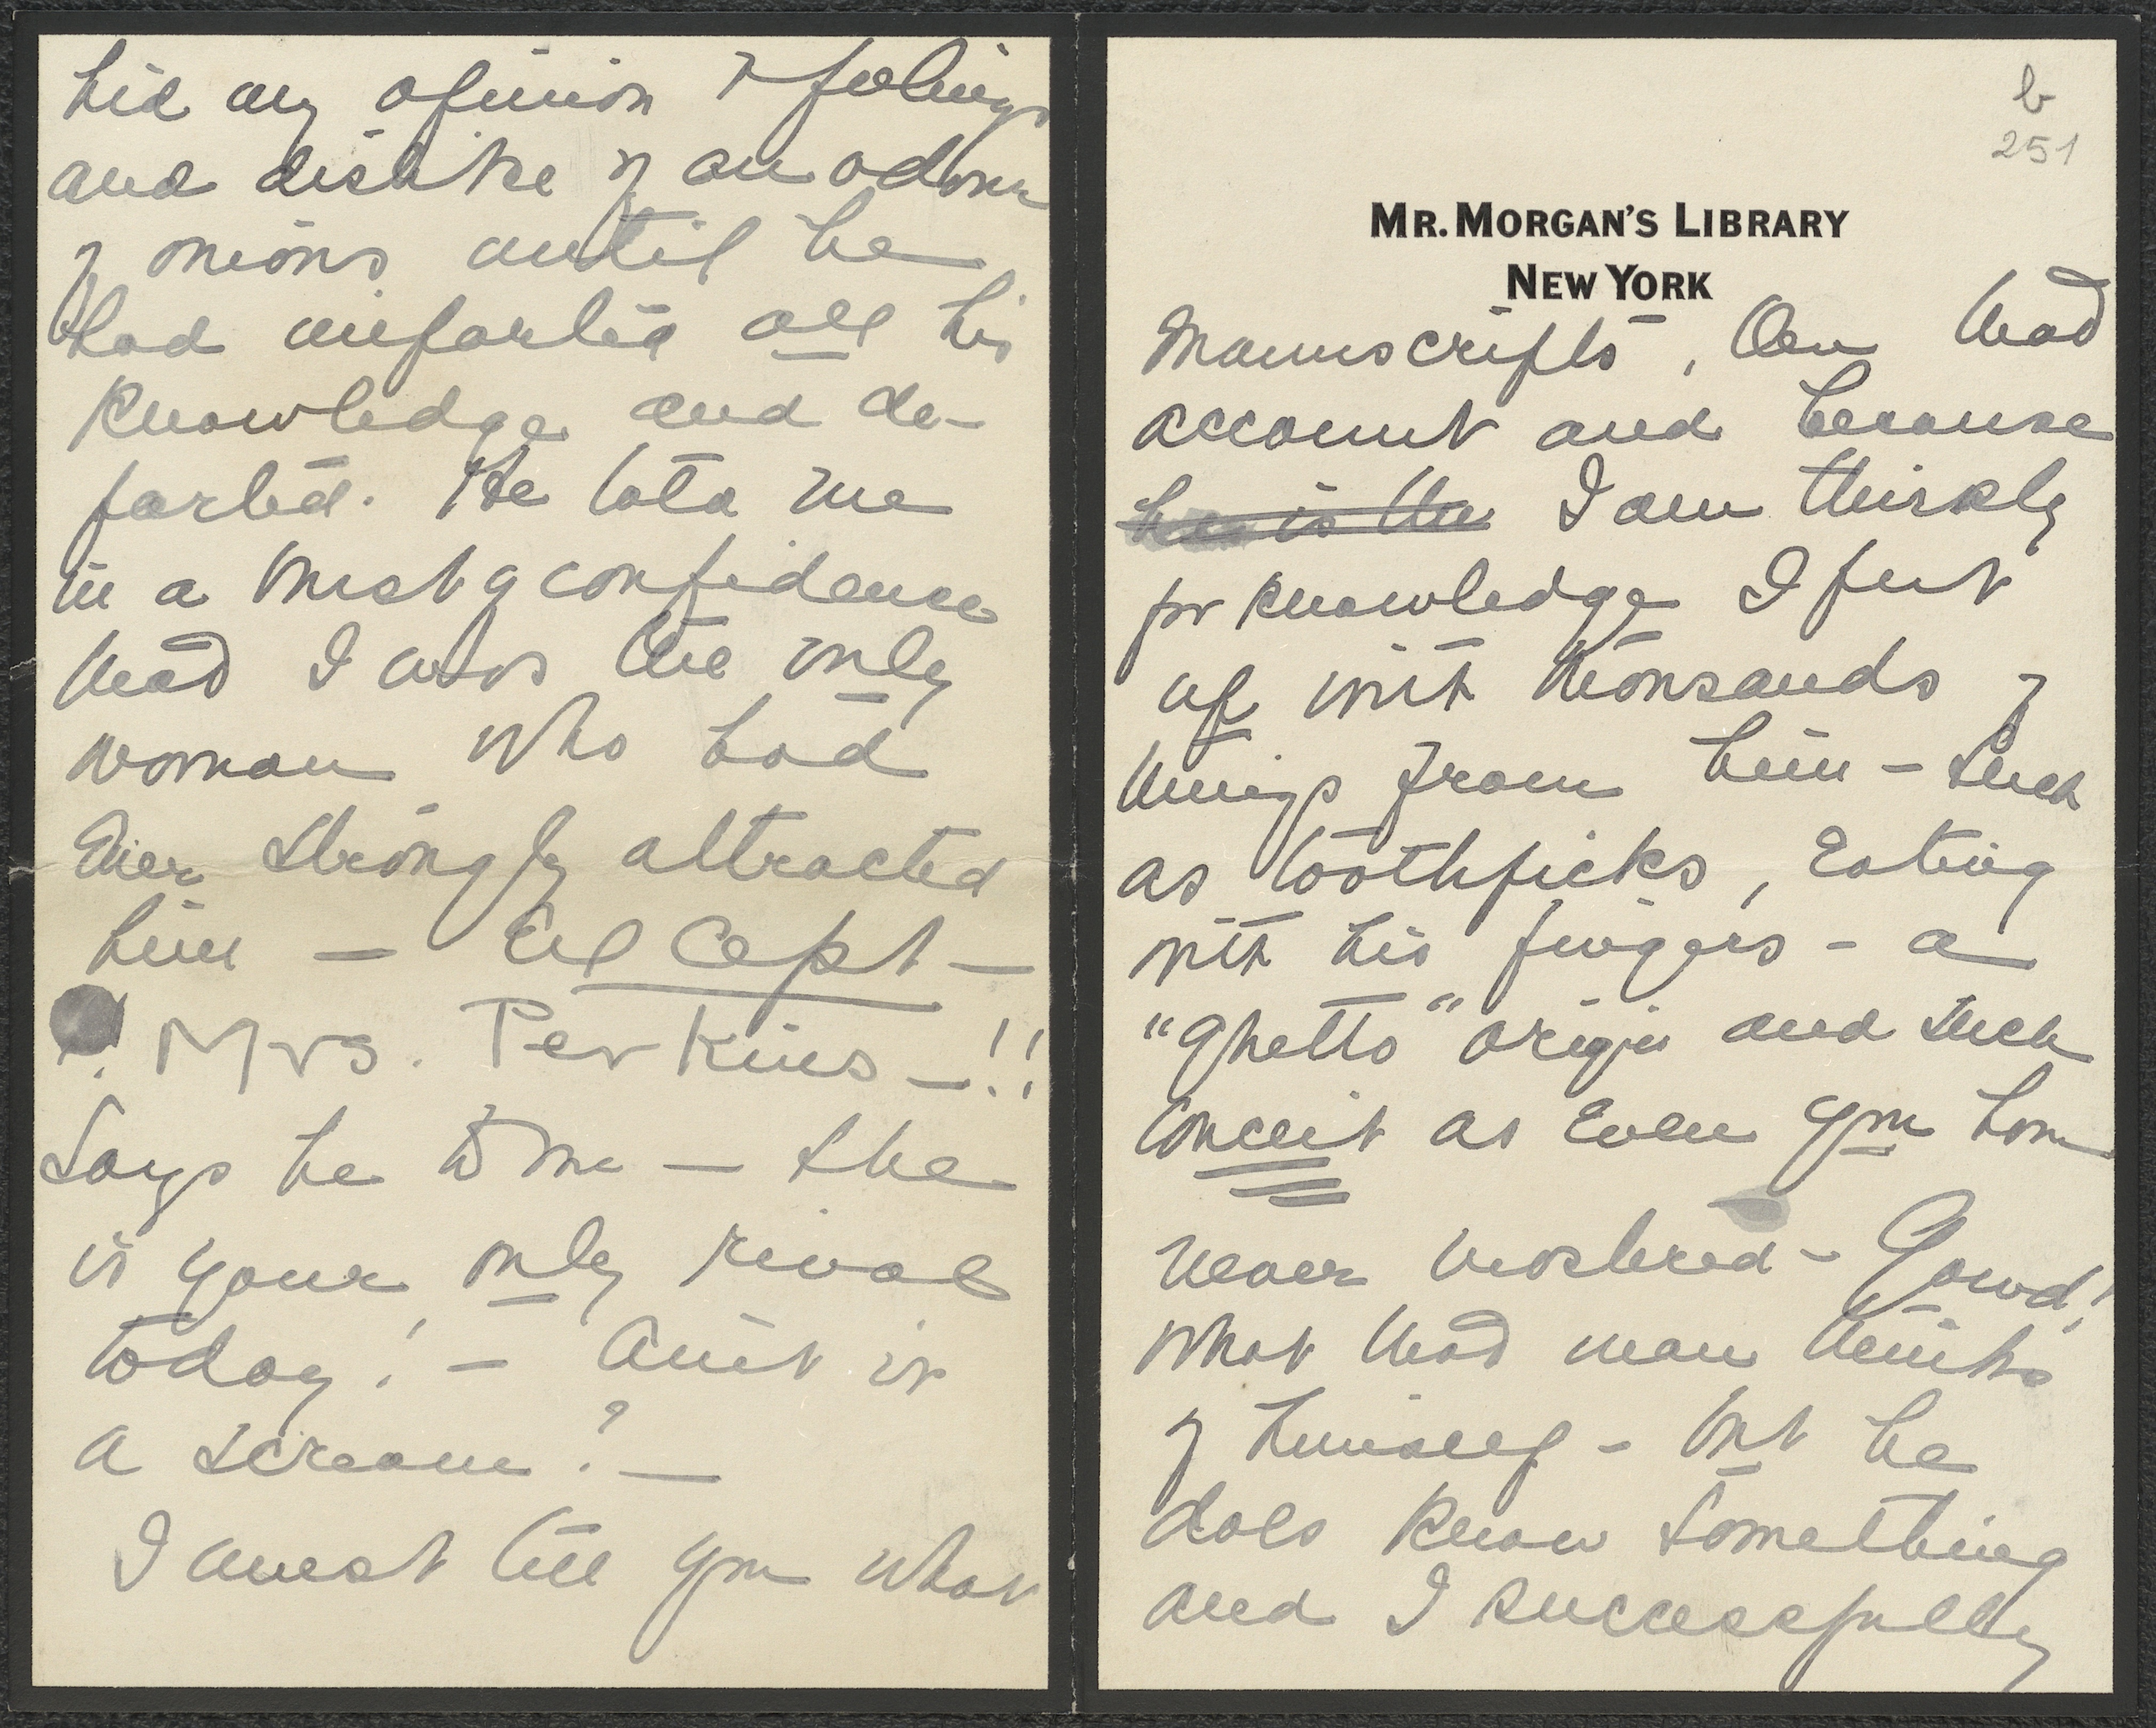manuscripts. On that account and because he is thi I am thirsty for knowledge I put up with thousands of things from him – such as toothpicks, eating with his fingers – a “ghetto” origin and such [triple underlined: conceit] as even you have never mastered – Gawd! What that man thinks of himself – but he does know something and I successfully
hid any opinion & feelings and dislike of an odour of onions until he had imparted all his knowledge and departed. He told me in a burst of confidence that I was the only woman who had ever strongly attracted him – except – !! Mrs. Perkins – !! says he to me – she is your only rival today! – Aint it a scream? –
I must tell you what